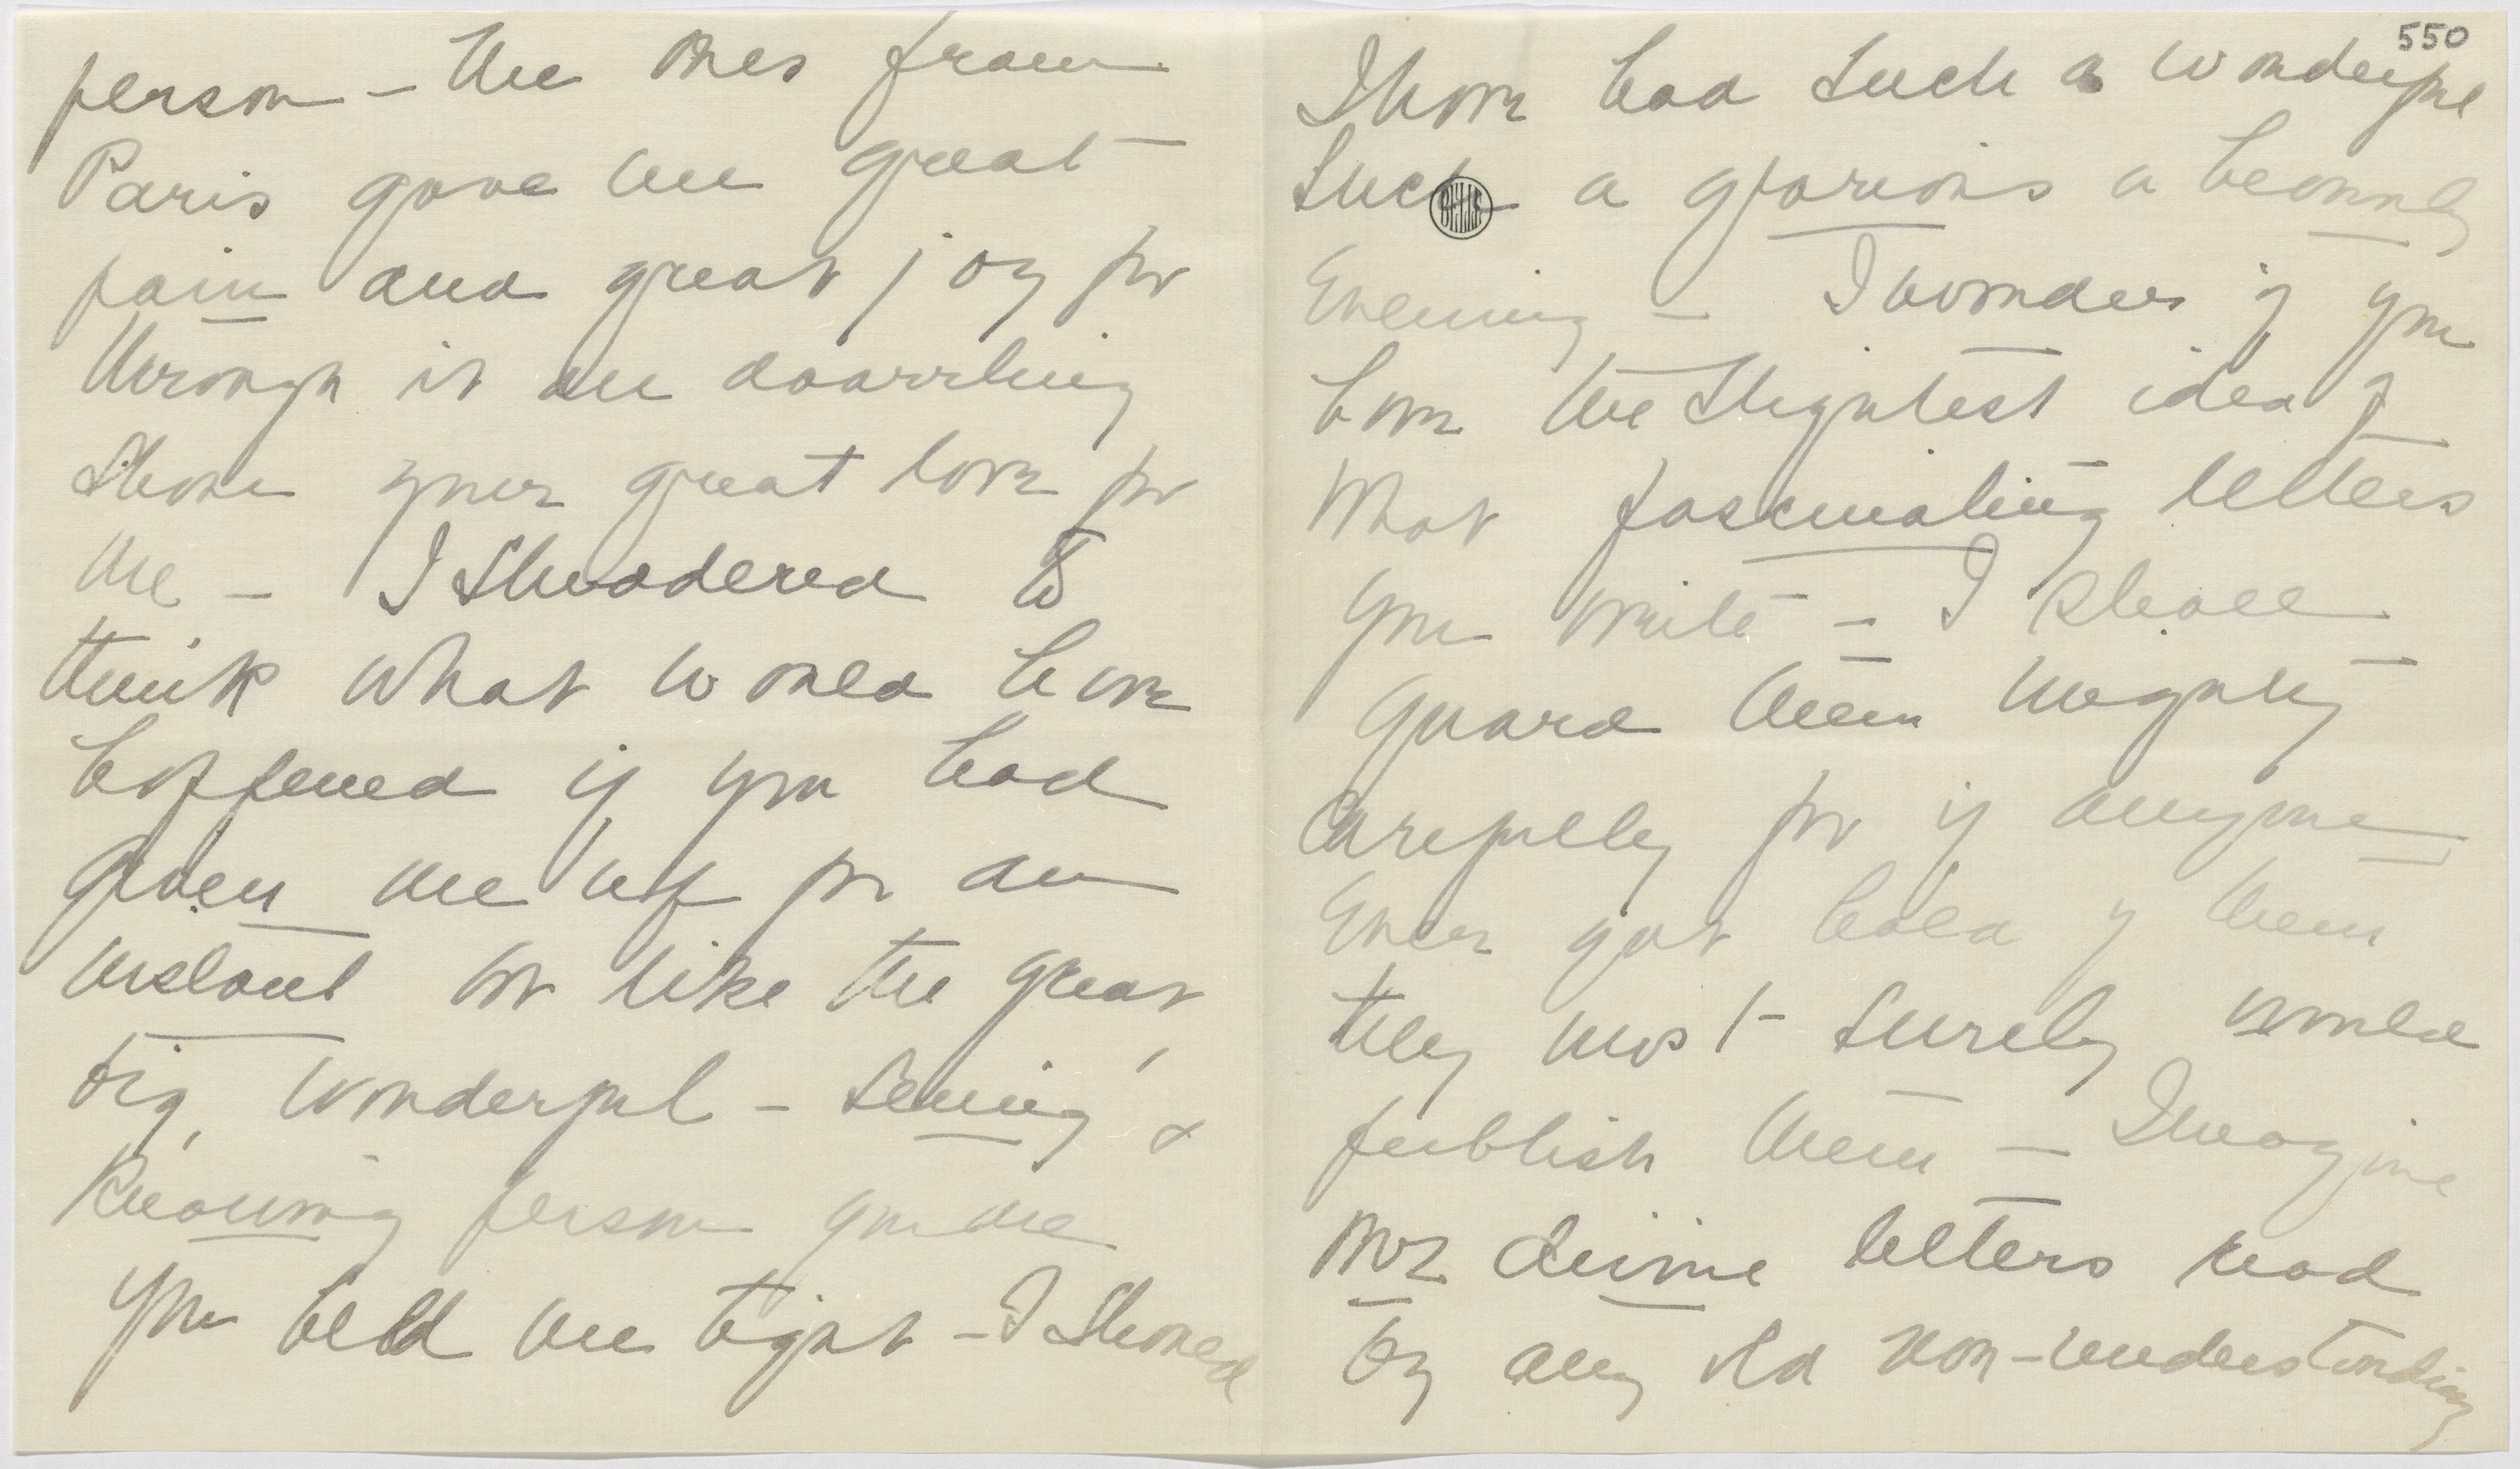I have had such a wonderful such a glorious a heavenly evening – I wonder if you have the slightest idea of what fascinating letters you write – I shall guard them mighty carefully for if anyone ever got hold of them they most surely would publish them – Imagine our divine letters read by any old non-understanding
person – The ones from Paris gave me great pain and great joy for through it all daarrling shone your great love for me – I shuddered to think what would have happened if you had given me up for an instant for like the great big, wonderful-seeing & knowing person you are you held me tight – I should